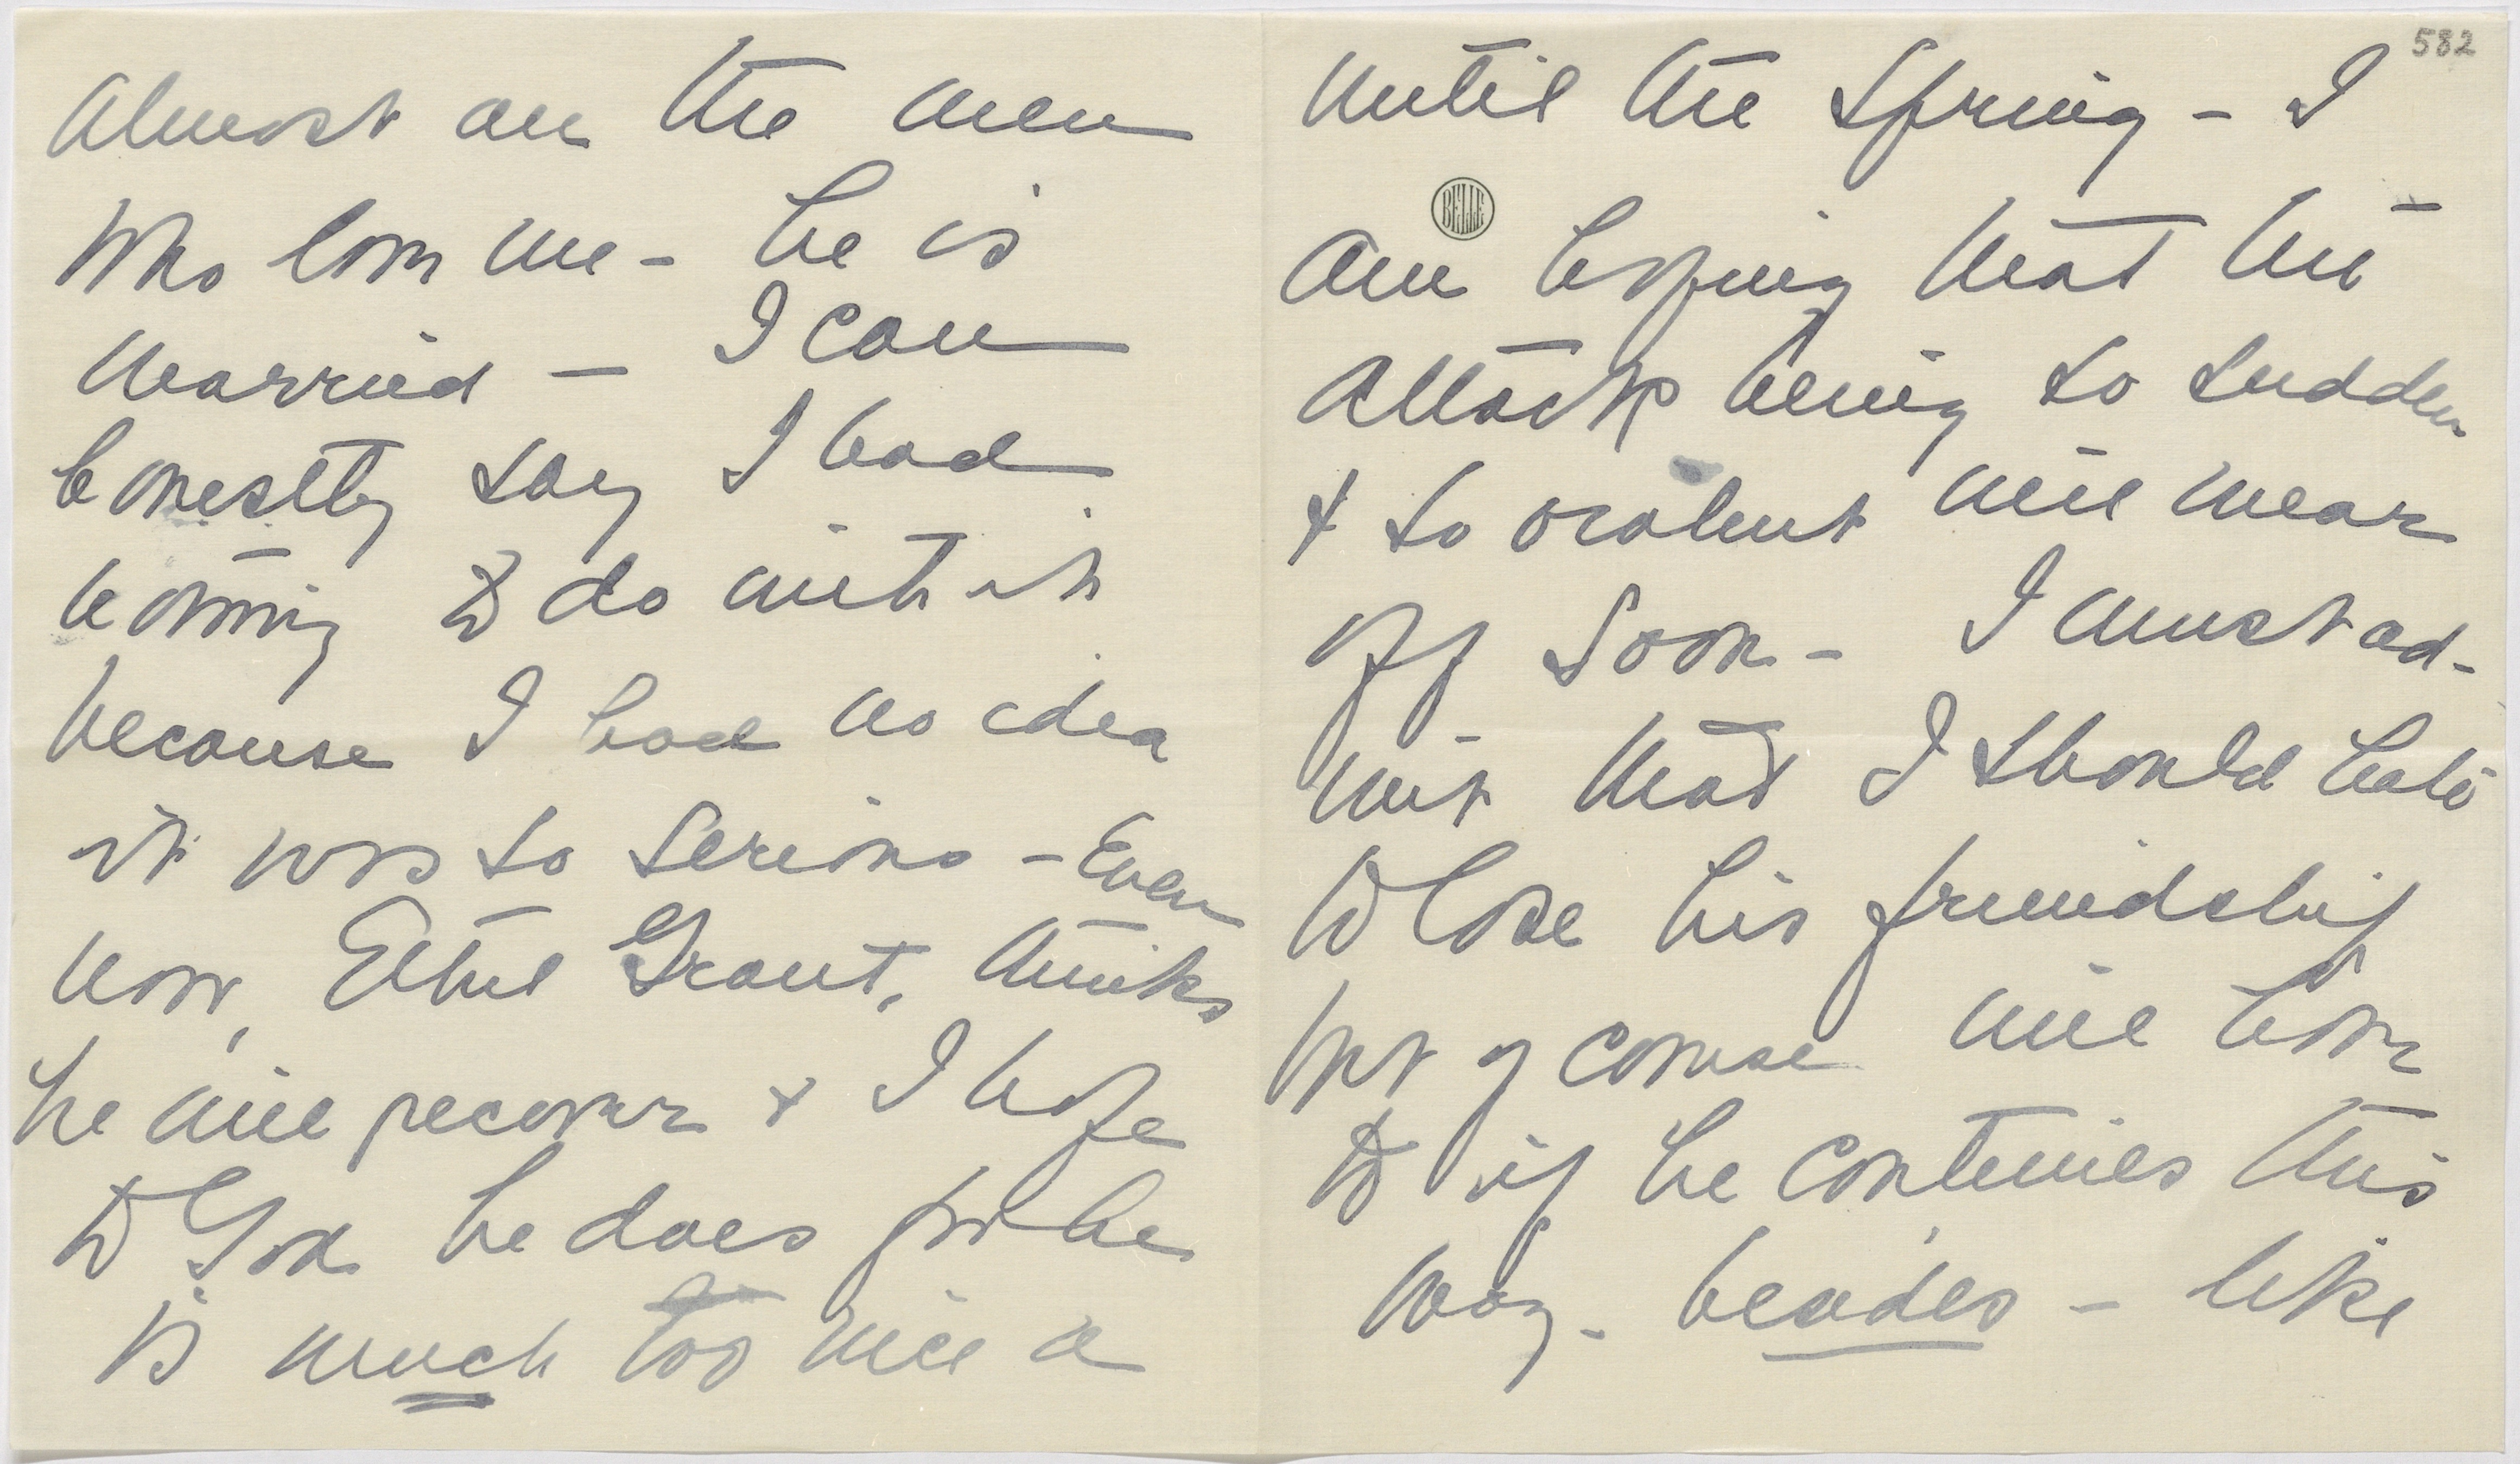until the spring – I am hoping that the attack being so sudden & so violent will wear off soon – I must admit that I should hate to lose his friendship but of course will have to if he continues this way – besides – like
almost all the men who love me – he is married – I can honestly say I had nothing to do with it because I had no idea it was so serious – even now, Ethel Grant, thinks he will recover & I hope to God he does for he is [double underlined: much] too nice a